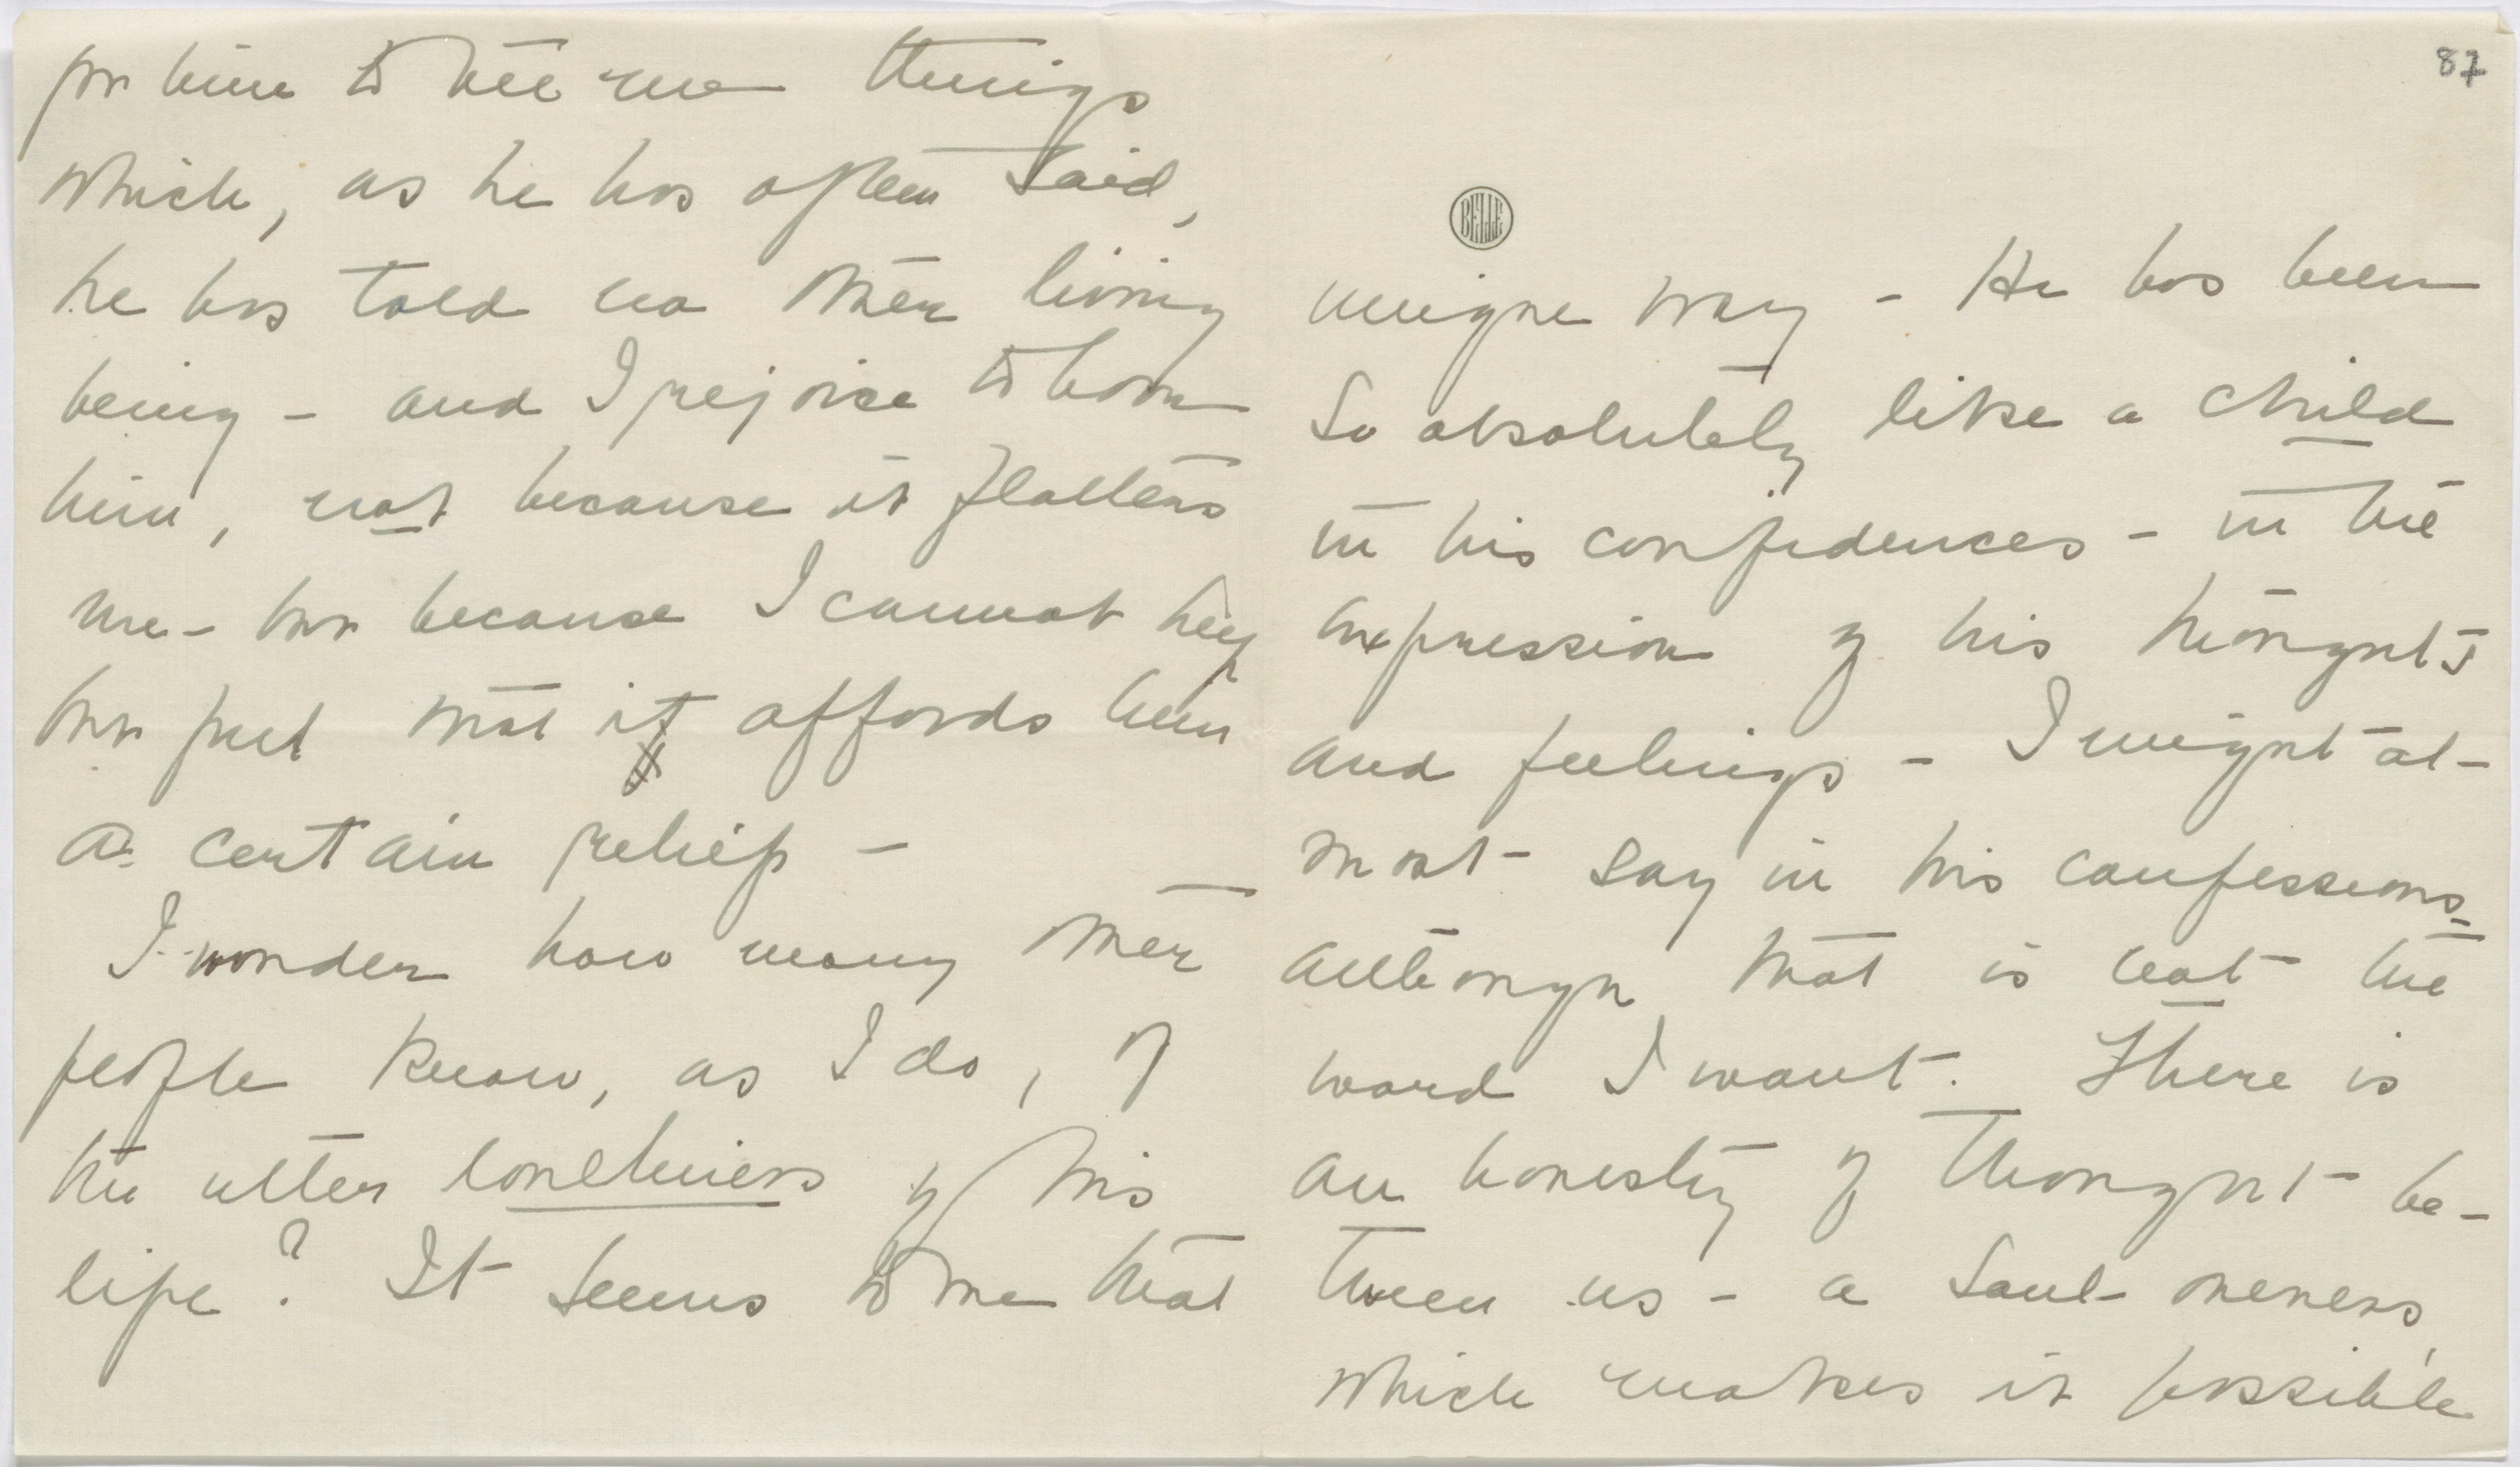unique way – He has been so absolutely like a child in his confidences – in the expression of his thoughts and feelings – I might at most say in his confessions – although that is not the word I want. There is an honesty of thought between us – a soul-oneness which makes ift possible
for him to tell me things which, as he has often said, he has told no other living being – and I rejoice to have him, not because it flatters me – but because I cannot help but feel that it affords him a certain relief –
I wonder how many other people know, as I do, of the utter loneliness of his life? It seems to me that